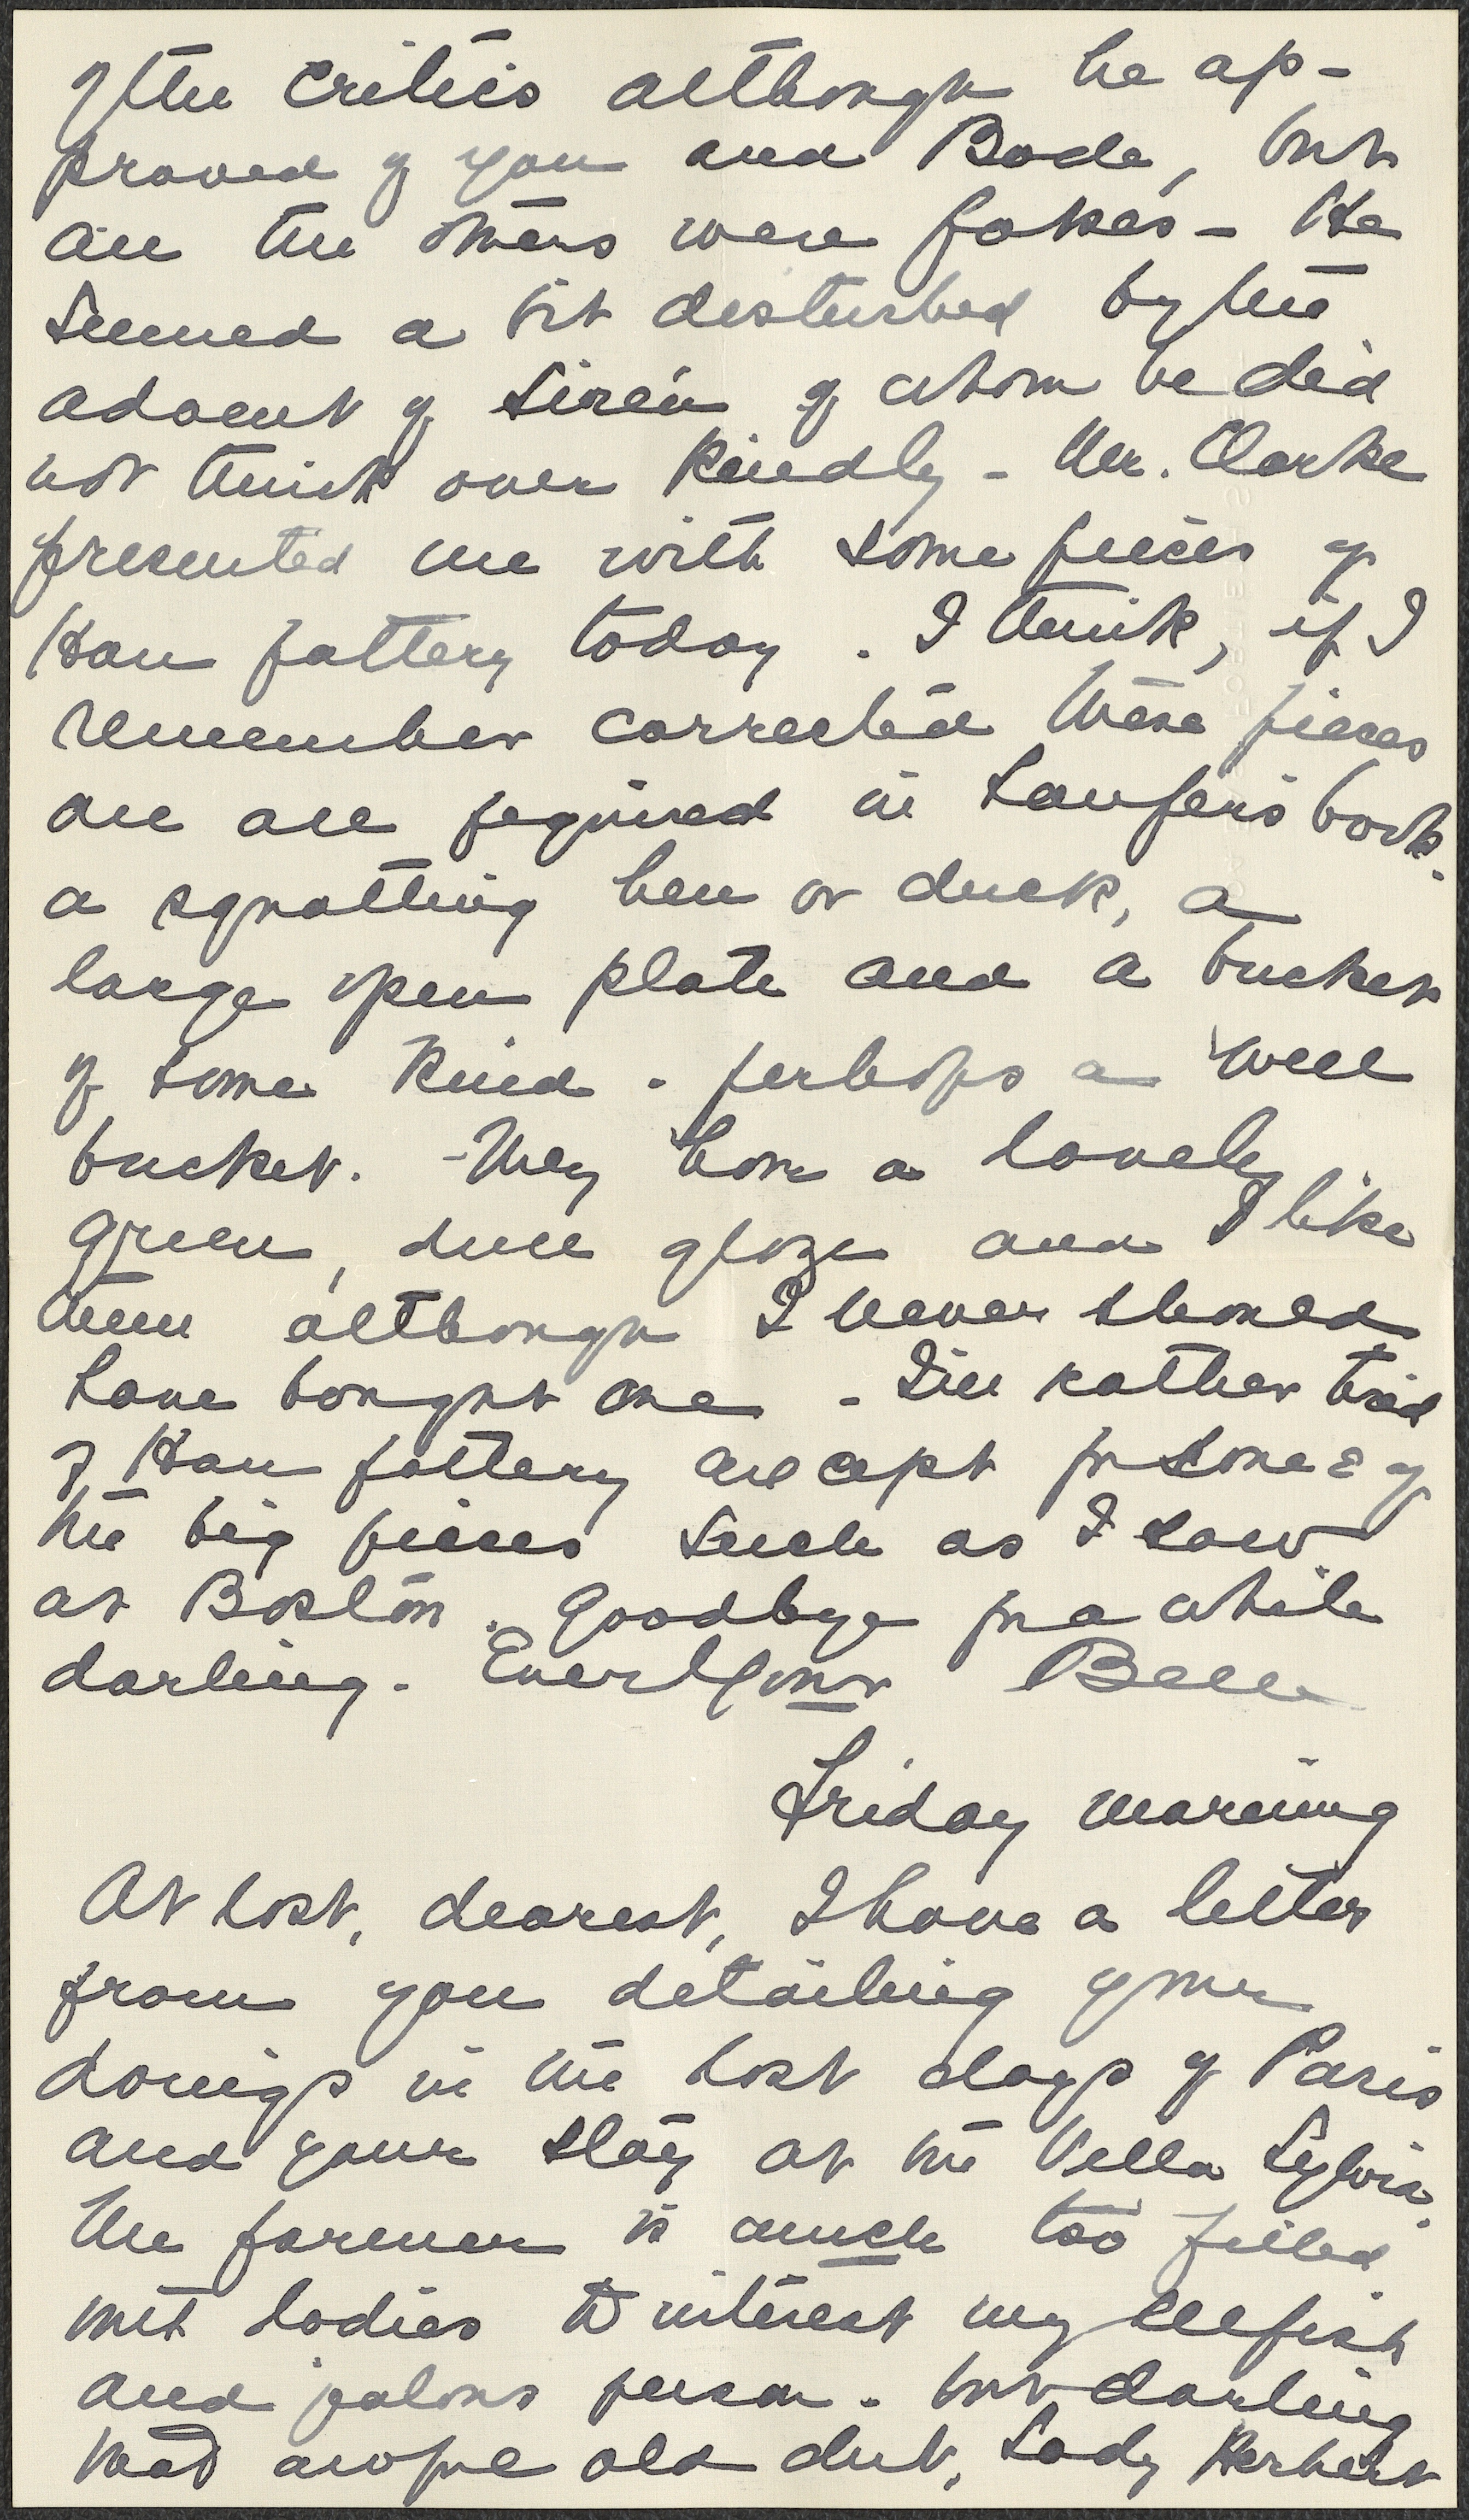of the critics although he approved of you and Bode, but all the others were fakes – He seemed a bit disturbed by the advent of Sirén of whom he did not think over kindly – Mr. Clarke presented me with some pieces of Han pottery today. I think, if I remember corrected [sic] these pieces are all figured in Laufer’s book – a squatting hen or duck, a large open plate and a bucket of some kind – perhaps a well bucket. They have a lovely green, dull glaze and I like them although I never should have bought one – I’m rather tired of Han pottery except for some of the big pieces such as I saw at Boston. Goodbye for a while darling. Ever Your Belle
Friday morning
At last, dearest, I have a letter from you detailing your doings in the last days of Paris and your stay at the Villa Sylvia. The former is much too filled with ladies to interest my selfish and jealous person – but darling that awful old dub, Lady Herbert